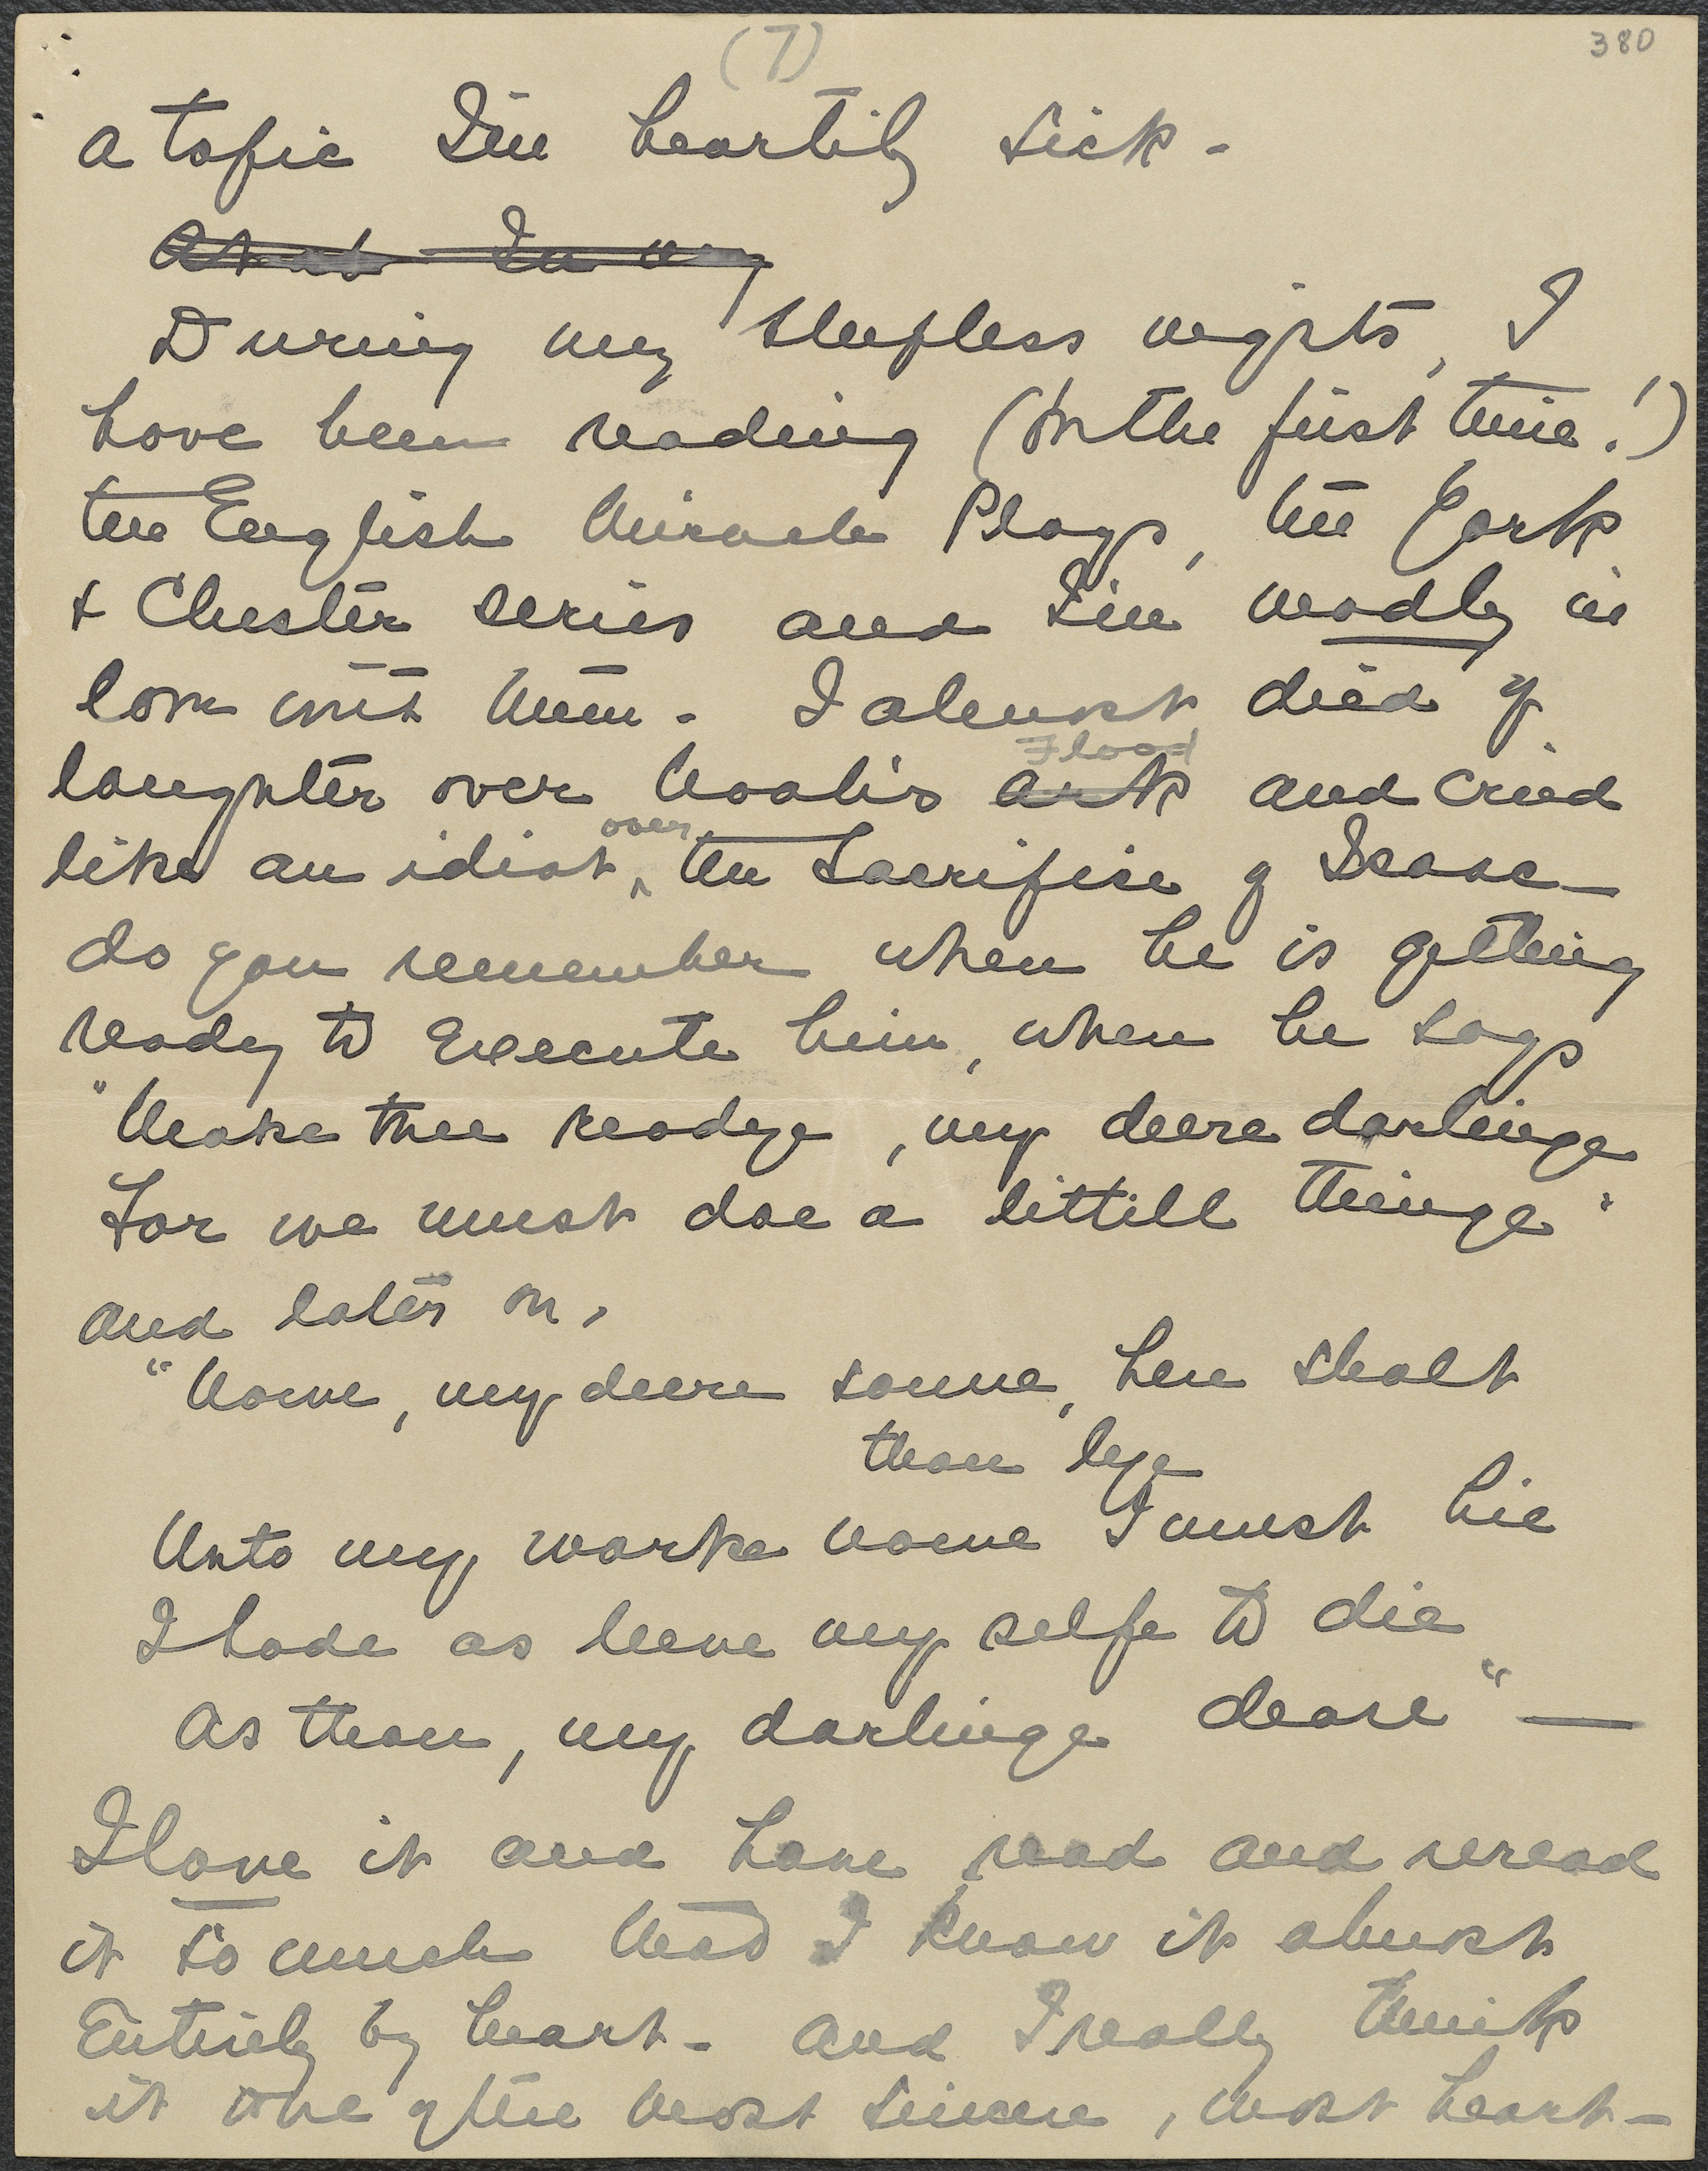(7)
a topic I’m heartily sick –
At [illegible deletion] In my
During my sleepless nights, I have been reading (for the first time!) the English Miracle Plays, the York & Chester series and I’m madly in love with them. I almost died of laughter after Noah’s Ark [inserted: Flood] and cried like an idiot [inserted: over] the Sacrifice of Isaac – do you remember when he is getting ready to execute him, when he says “Make thee readye, my deere darlinge For we must doe a littill thinge” and later on,
“Nowe, my deere sonne, here shalt thou lye
Unto my worke nowe I muste hie
I hade as leeve my selfe to die
as thou, my darlinge deare” –
I love it and have read and reread it so much that I know it almost entirely by heart – and I really think it is one of the most sincere, most heart-breaking